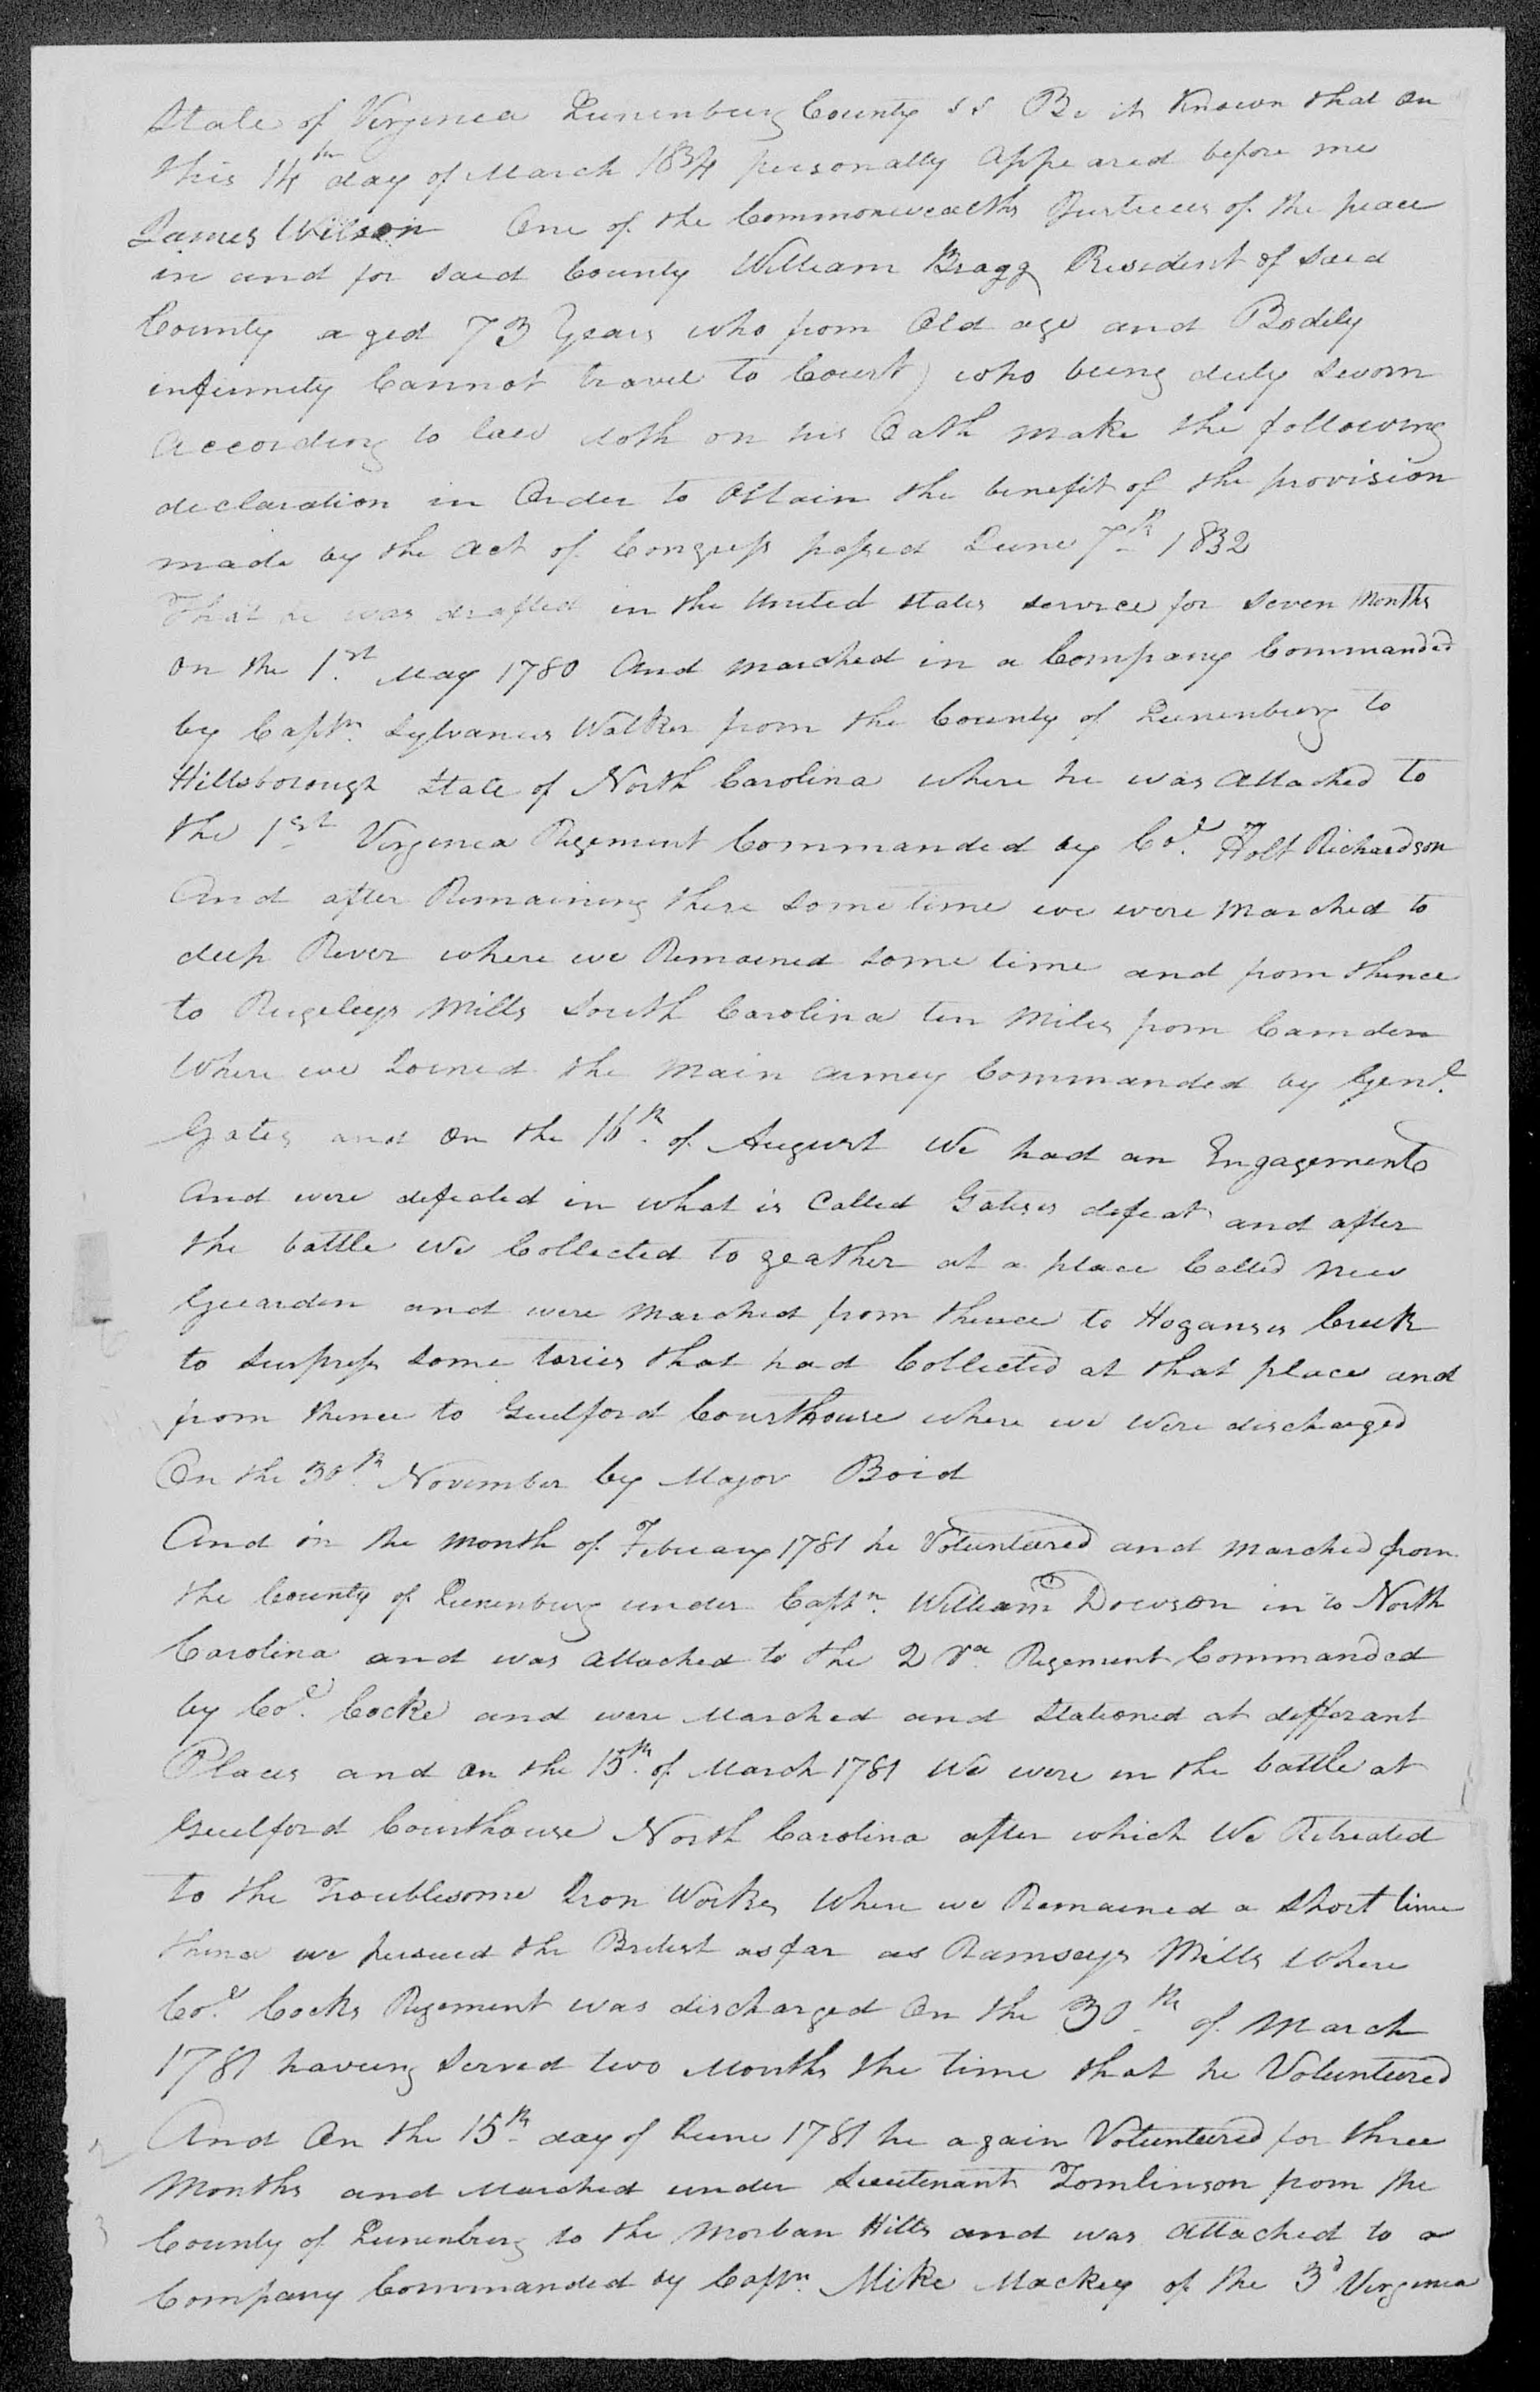State of Virginia Lunenburg County SS Be it known that on this 14th day of March 1834 personally appeared before me James Wilson one of the Commonwealths Justices of the peace in and for said County William Bragg Resident of said County aged 73 years who from Old age and Bodily infirmity cannot travel to Court, who being duly sworn according to law doth on his Oath make the following declaration in order to obtain the benefit of the provision made by the Act of Congress passed June 7th 1832. 
That he was drafted in the United States service for seven months on the 1st May 1780 and marched in a Company commanded by Capt’n. [Captain] Sylvanus Walker from the County of Lunenburg to Hillsborough State of North Carolina where he was attached to the 1st Virginia Regiment Commanded by Col. Holt Richardson [Holt Richeson] and after remaining there some time we were marched to deep River where we remained some time and from thence to Rugeleys Mills South Carolina ten miles from Camden where we joined the main armey [army] commanded by Gen’l. [General Horatio] Gates and on the 16th of August we had an Engagement and were defeated in what is called Gates defeat and after the battle we collected togeather [together] at a place called New Guarden [sic: New Garden NC] and were marched from thence to Hoganses Creek [Hogans Creek] to suppress some tories [Tories] that had collected at that place and from thence to Guilford Courthouse where we were discharged on the 30th November by Major Boid [sic: William Boyce] 
And in the month of February 1781 he Volunteered and marched from the County of Lunenburg under Capt’n. [Captain] William Dawson in to North Carolina and was attached to the 2d Va. Regement [Regiment] Commanded by Col. [Nathaniel] Cocke and were marched and stationed at different Places and on the 15th of March 1781 we were in the battle at Guilford Courthouse North Carolina after which we Retreated to the Troublesome Iron Works where we remained a short time thence we pursued the British as far as Ramseys Mills where Col. Cocks Regiment was discharged on the 30th of March 1781 having served two months the time that he Volunteered And on the 15th day of June 1781 he again Volunteered for three months and marched under Lieutenant Tomlinson from the County of Lunenburg to the Morban Hills [Malvern Hills] and was attached to a Company commanded by Cap’n. [Captain] Mike Mackey of the 3d Virginia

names: Boid, Mike Mackey, William Bragg, Cocke, James Wilson, William Dowson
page: 4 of 19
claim: widow's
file: W. 2517, William Bragg, Va.